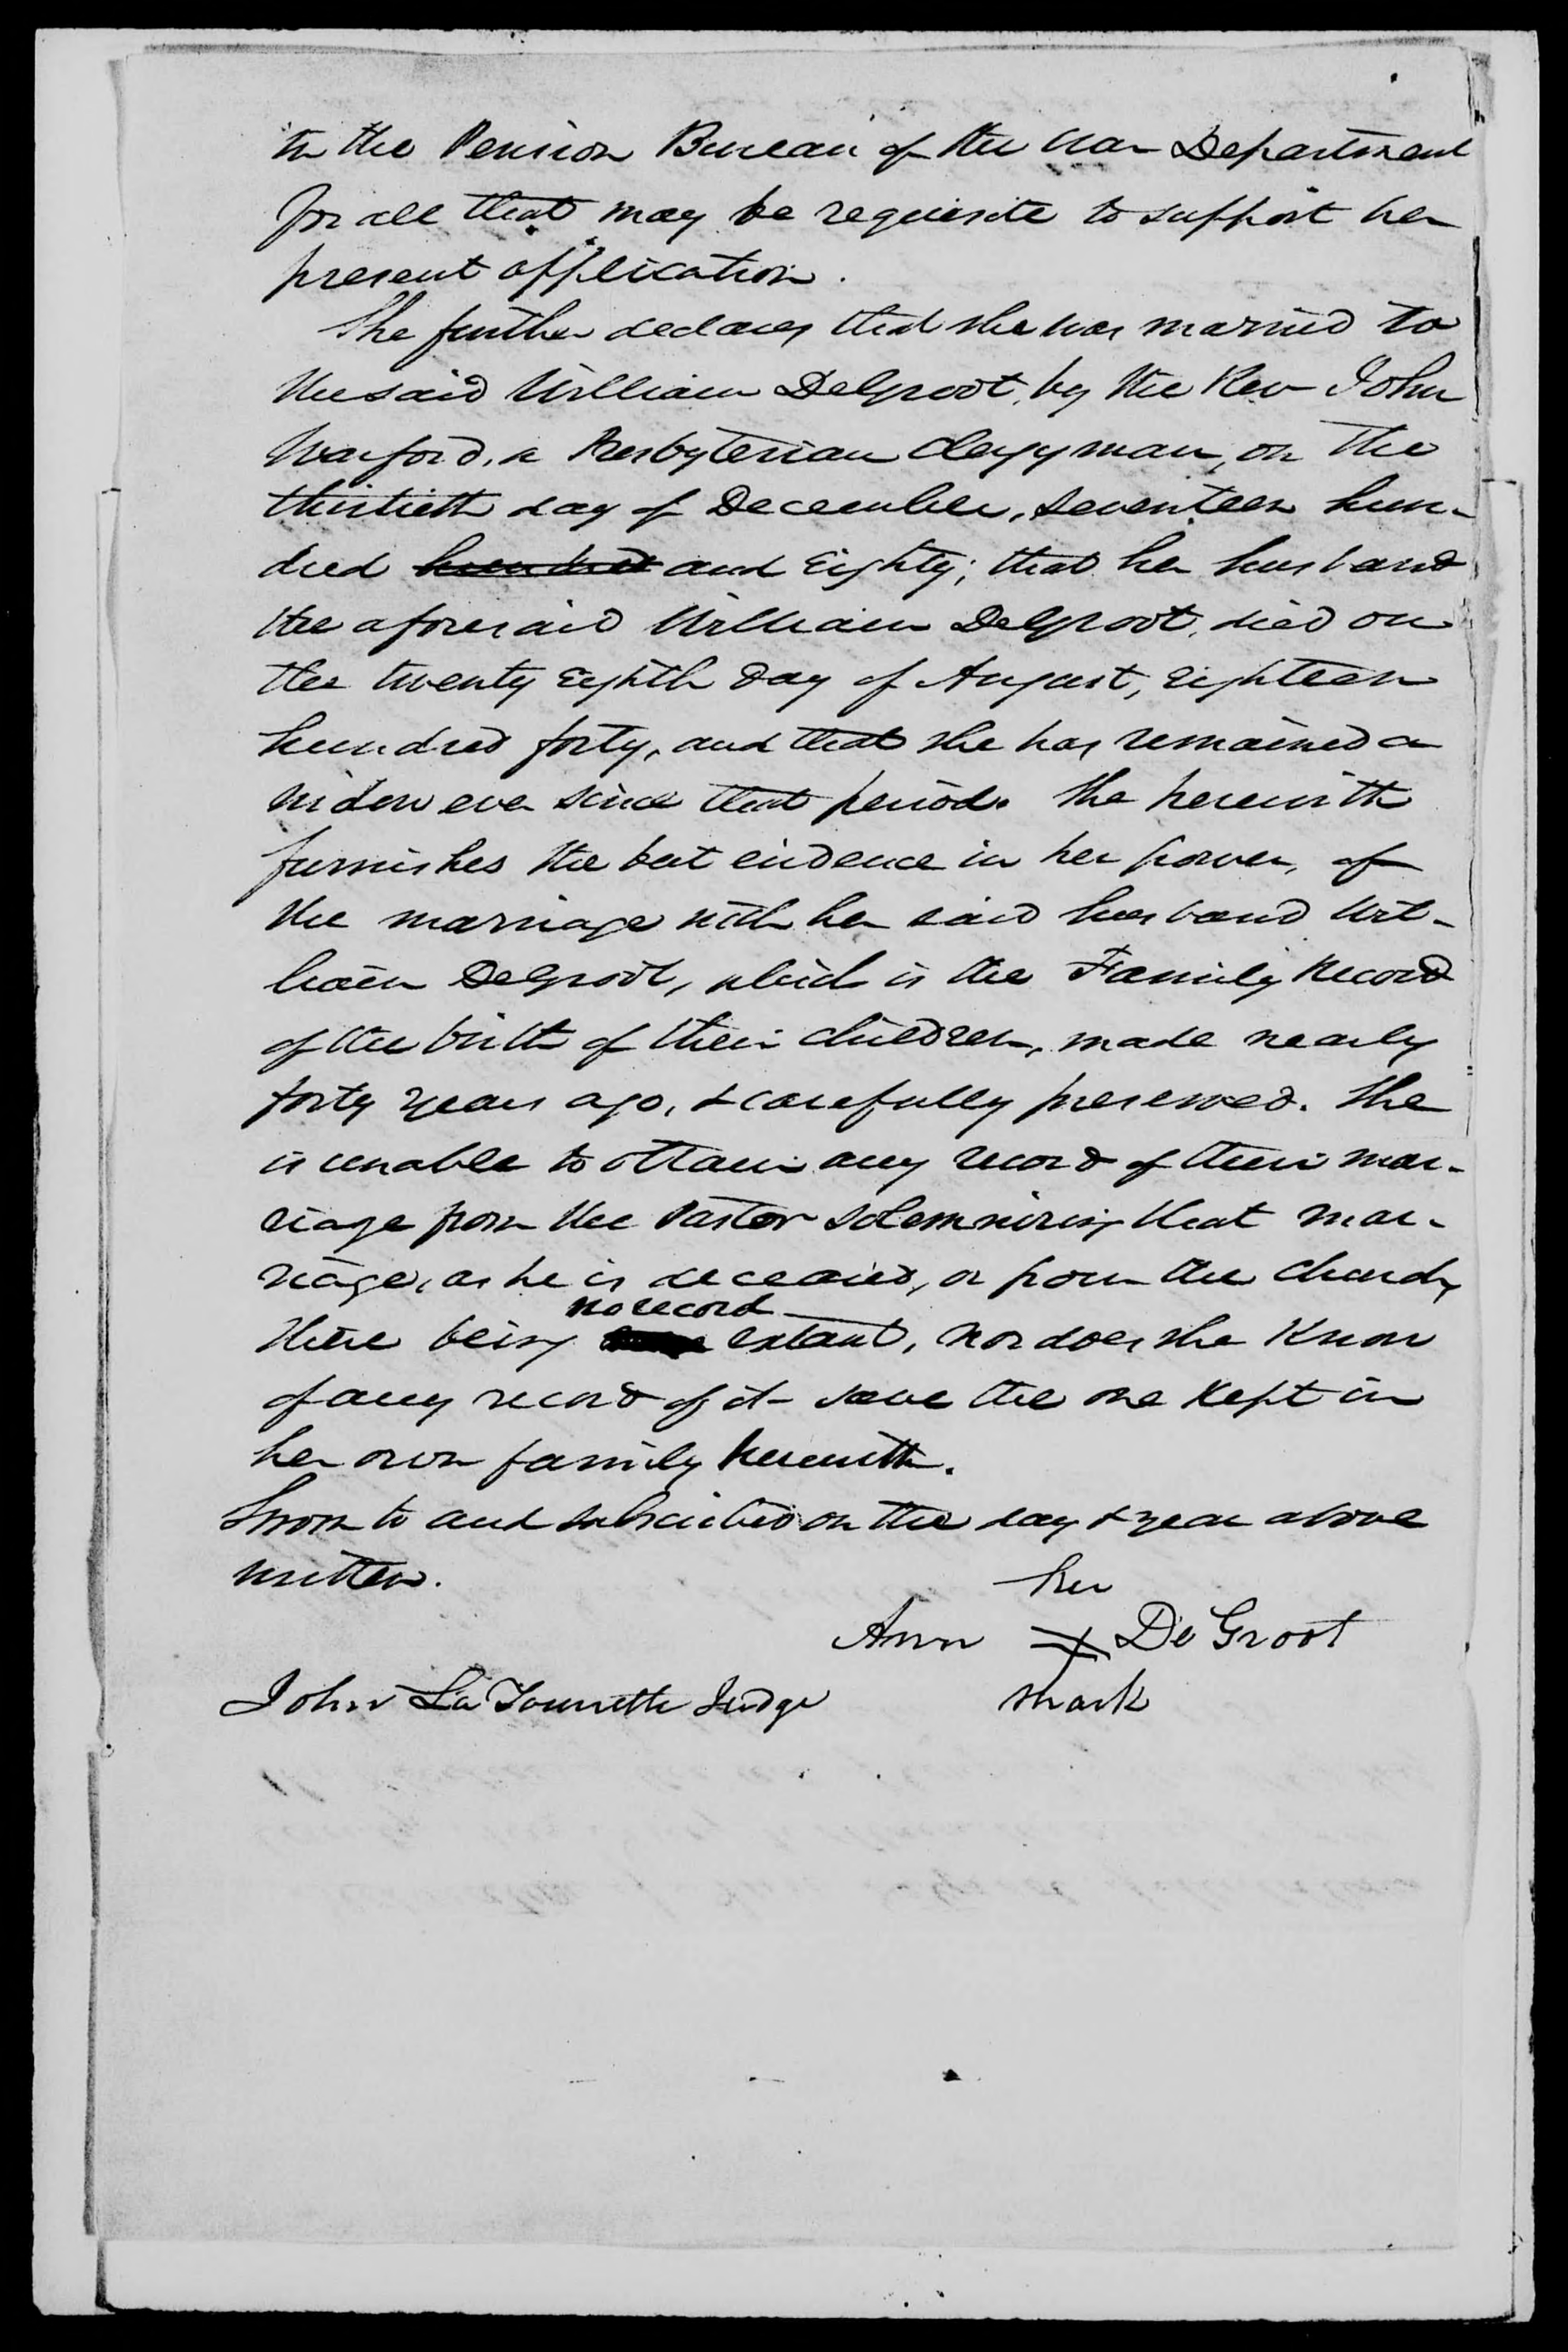in the Pension Bureau of the War Department for all that may be requested to support her present applcation.
  She further declares that she was married to the said William DeGroot by the Rev. John Warford, a Presbyterian clergyman, on the thirtieth day of December, seventeen hundred and eighty, that her husband, the aforesaid William DeGroot, died on the twenty eighth day of August, eighteen hundred forty, and that she has remained a widow ever since that period. She herewith furnishes the best evidence in her power, of the marriage with her said husband William DeGroot, which is the Family Record of the birth of their children, made nearly forty years ago, + carefully preserved. She is unable to obtain any record of their marriage from the pastor solemnizing that marriage, as he is deceased, or from all church there being no record extant, nor does she know of any record of it - save the one kept in her own family herewith.
  Sworn to and subscribed on the day + year above written.   Ann [her mark] DeGroot
John La Tourrette, Judge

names: John La Tourrette, William De Groot, William De Groot, Ann De Groot, John Warford, William De Groot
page: 13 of 77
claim: widow's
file: W. 417, William De Groot, New Jersey